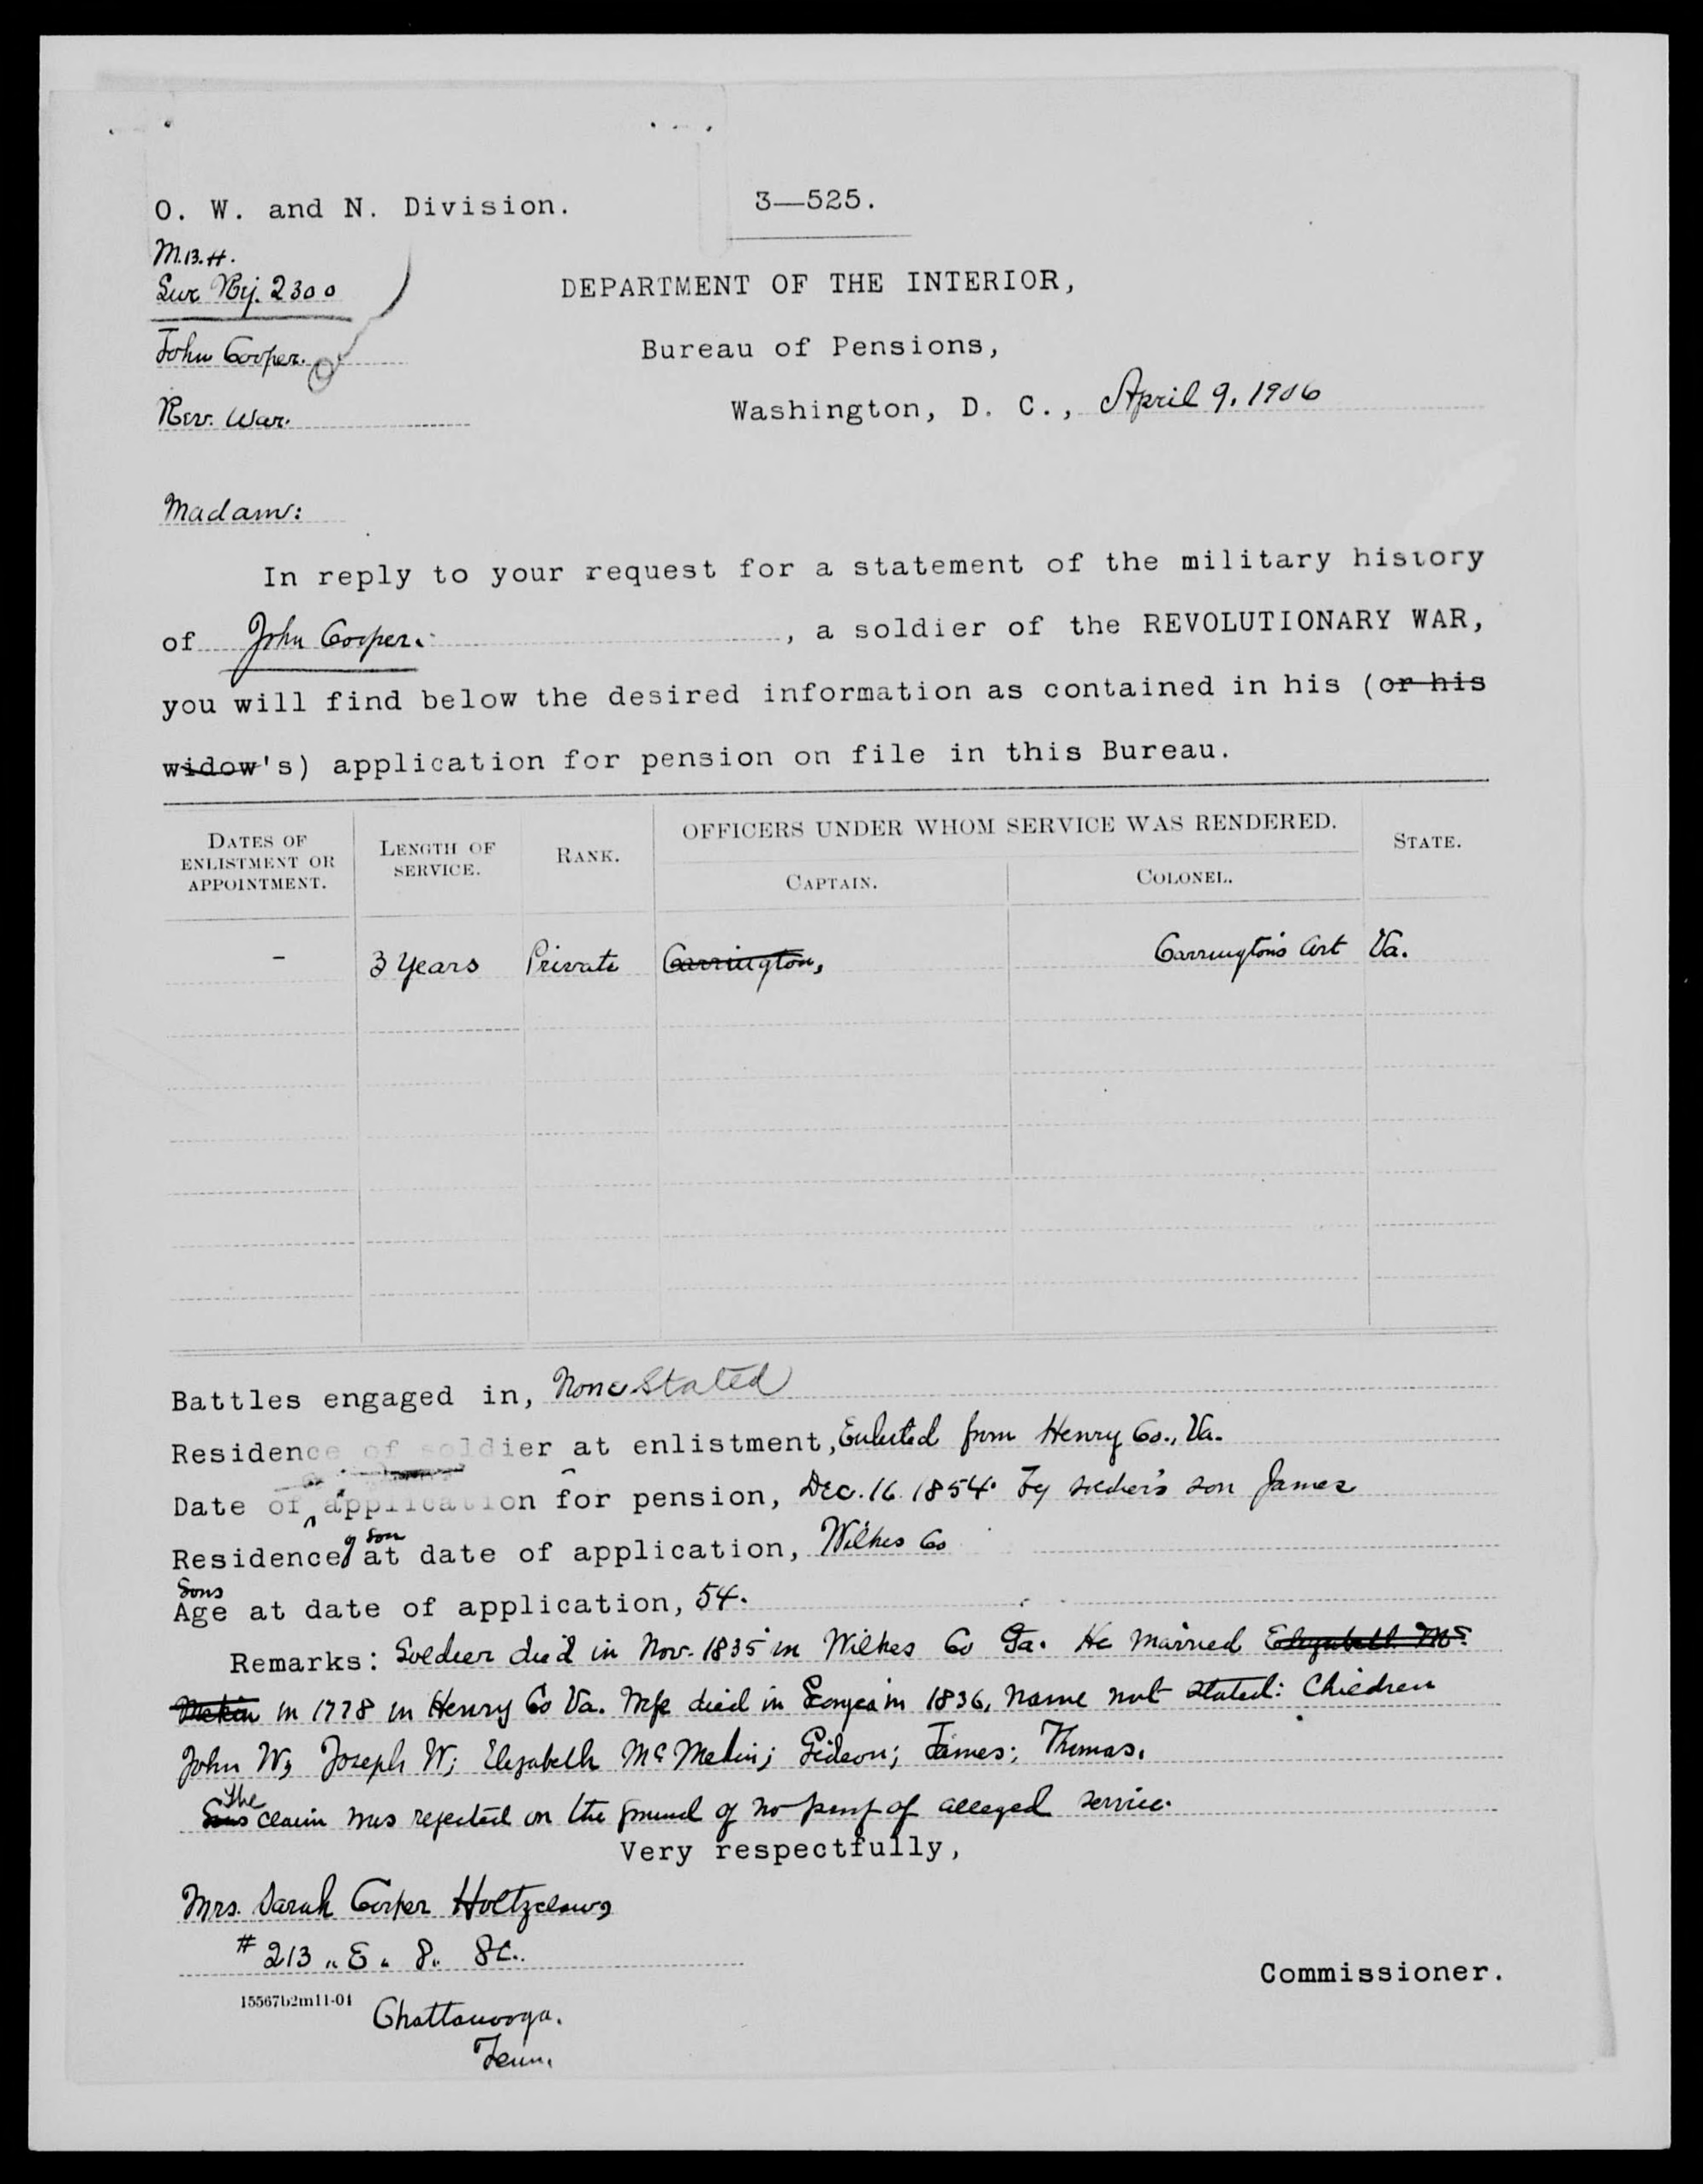O. W. and N. Division.
M.13.H.
Sur Ry 2300
John Cooper
Rev. War

3-525

DEPARTMENT OF THE INTERIOR,
Bureau of Pensions,
Washington, D. C. , April 9, 1906

Madam:
In reply to your request for a statement of the military history of John Cooper, a soldier of the REVOLUTIONARY WAR, you will find below the desired information as contained in his (or his widow's) [information in () is crossed out] application for pension on file in this Bureau.

DATES OF ENLISTMENT OR APPIONTMENT. | LENGTH OF SERVICE. | RANK. | OFFICERS UNDER WHOM SERVICE WAS RENDERED. | CAPTAIN. | COLONEL. | STATE

- | 3 Years | Private | Carrington [crossed out] | Carrington's Art | Va.

Battles engaged in, None Stated
Residence of soldier at enlistment, Enlisted from Henry Co., Va.
Date of application for pension, Dec. 16 1854 by soldier's son James
Residence of son at date of application, Wilkes Co.
Son's age at date of application, 54.
Remarks: Soldier died in Nov. 1835 in Wilkes Co Ga. He married Elizabeth M. Mekin [her name is crossed out] in 1778 in Henry Co Va. Wife died in [illegible] in 1836, name not stated. Children John W, Joseph W, Elizabeth McMelin, Gideon; James, Thomas. the claim ws rejected on the ground of no proof of alleged service.

Very respectfully,
Mrs. Sarah Corper Holtzclaw
#213. E. 8th St.
Chattanooga, Tenn.
Commissioner.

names: Sarah Cooper Holtzclaw, Thomas, John W, Joseph W, Elizabeth Mc Mekin, James, John Cooper, Gideon, John Cooper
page: 8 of 17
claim: rejected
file: R. 2,300, John Cooper, Va.